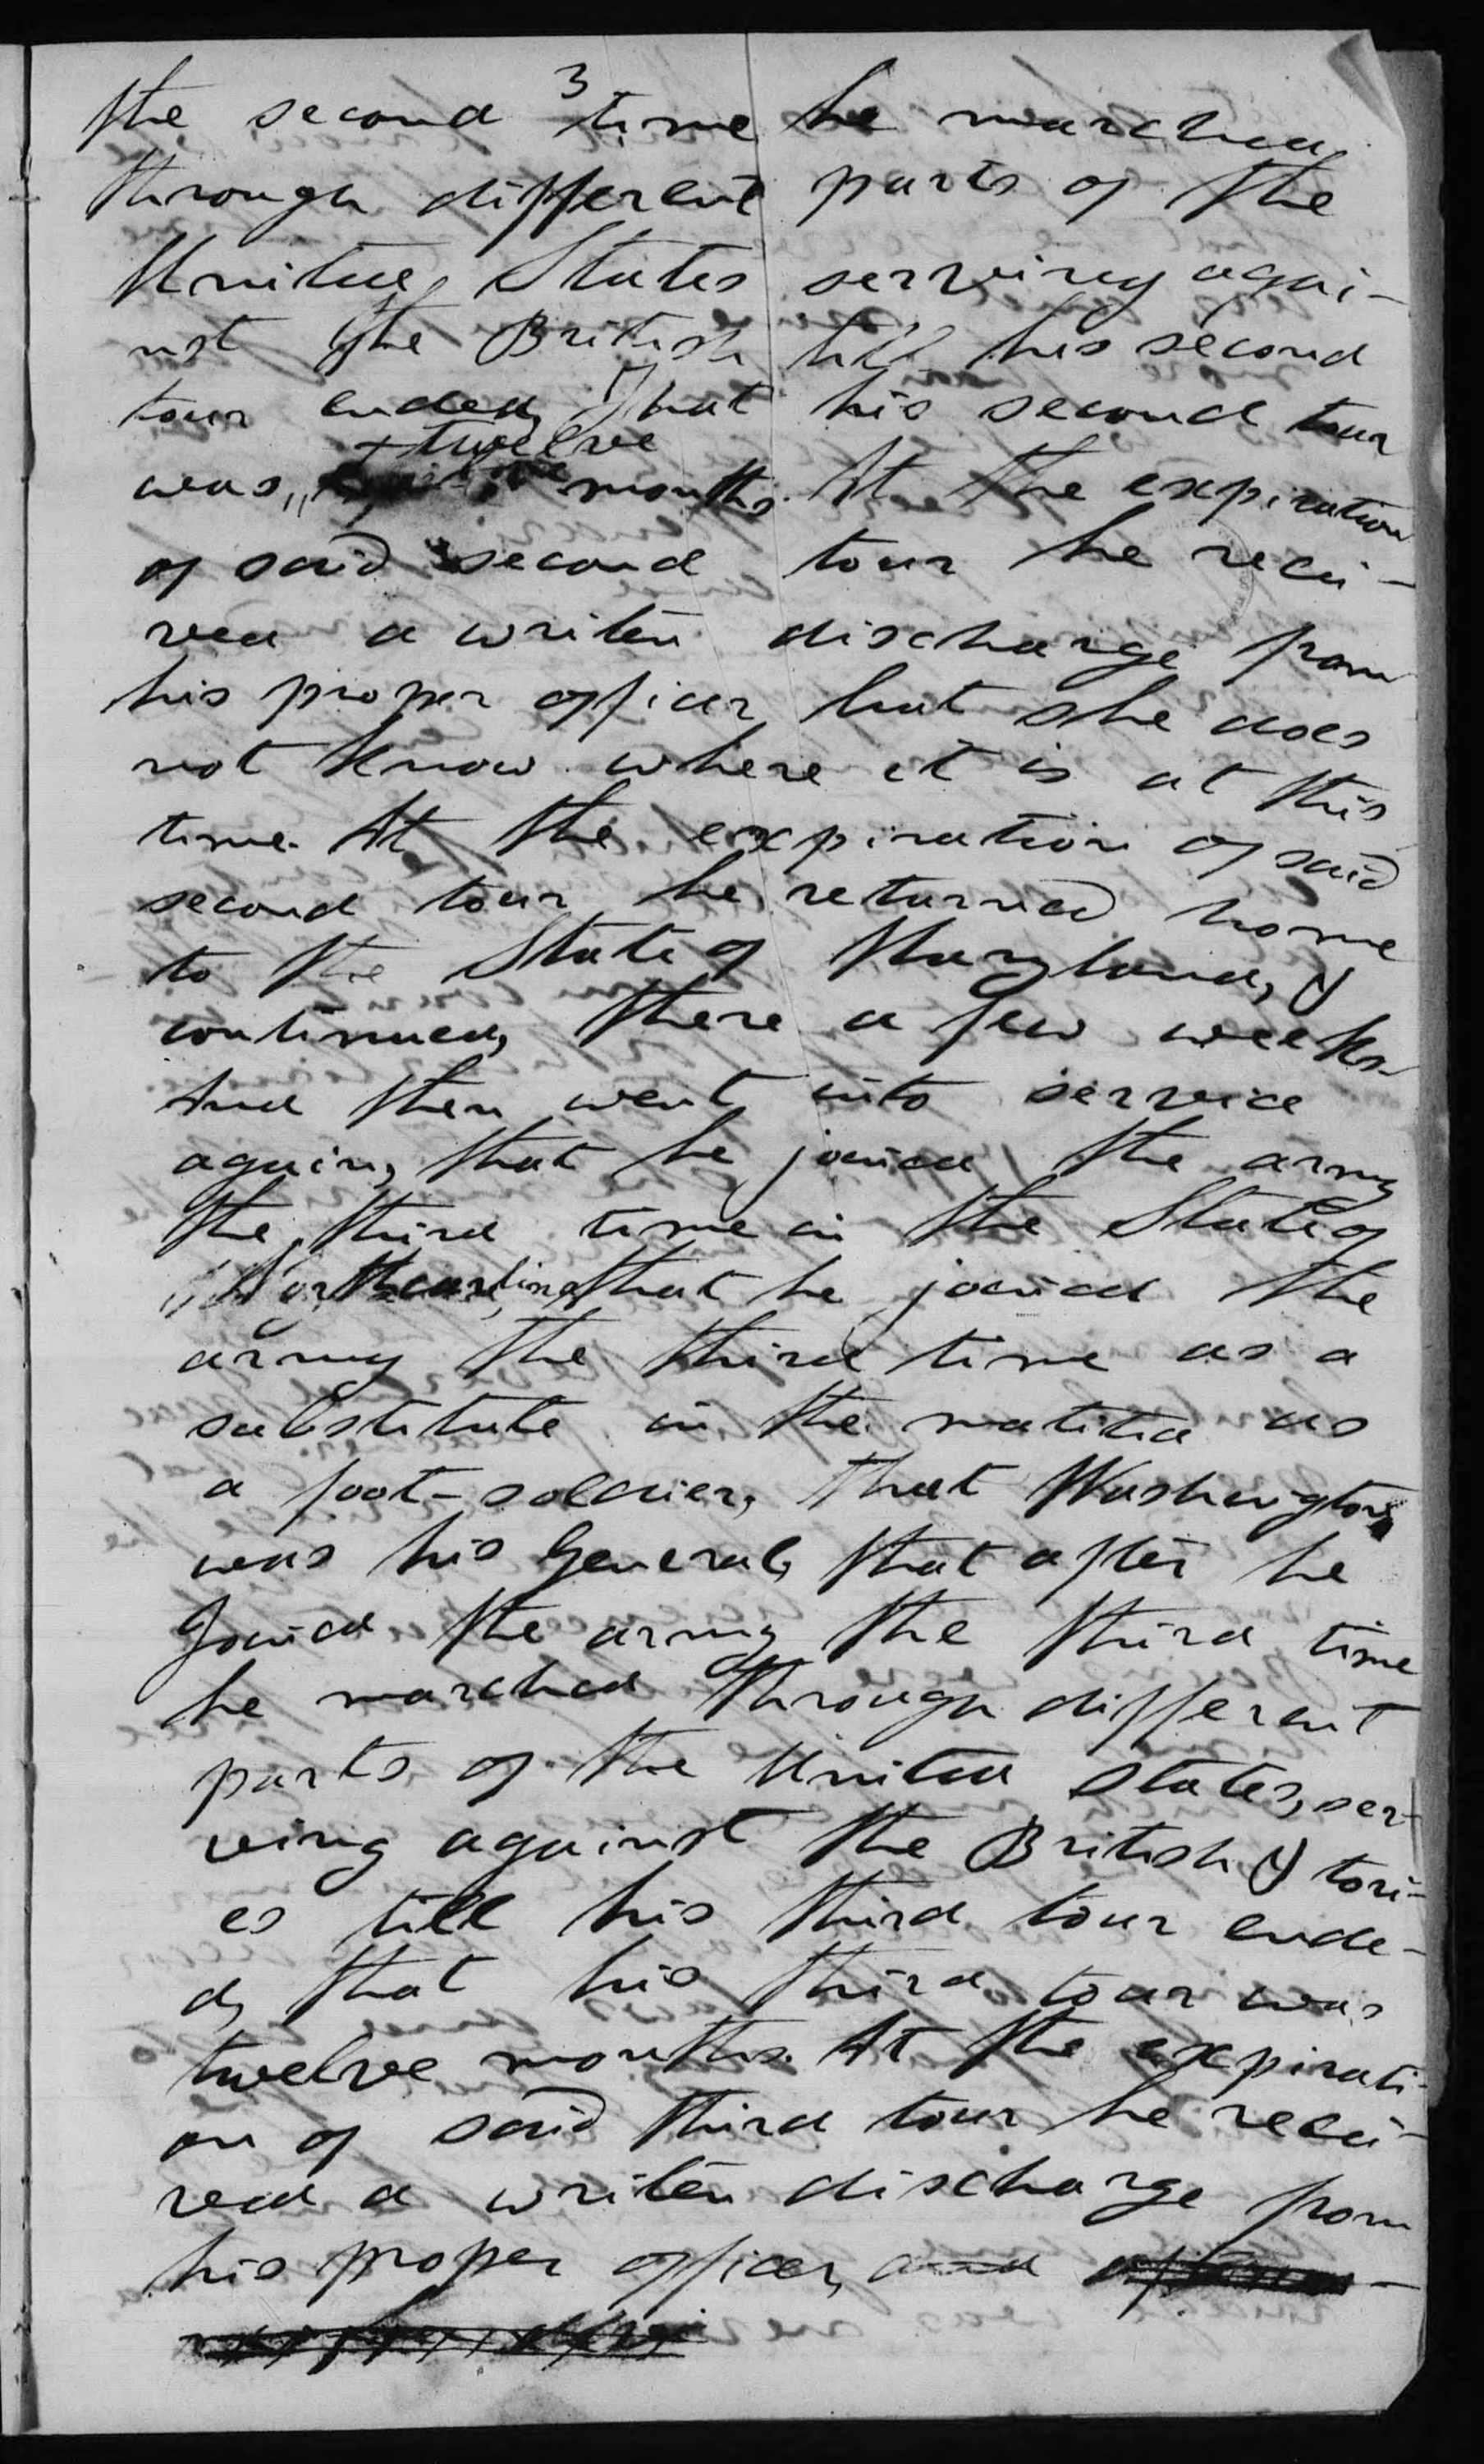3
the second time he marched through different parts of the United States serving against the British till his second tour ended. That his second tour was twelve months. At the expiration of said second tour he received a written discharge from his proper officer but she does not know where it is at this time. At the expiration of said second tour he returned home to the State of Maryland, & continued there a few weeks. And then went into service again, that he joined the army the third time in the State of North Carolina that he joined the army the third time as a substitute in the militia as a foot soldier, that Washington was his general, that after he joined the army the third time he marched through different parts of the United States, serving against the British & tories till his third tour ended, that his third tour was twelve months. At the expiration of said third tour he received a written discharge from his proper officer,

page: 25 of 76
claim: widow's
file: W. 83, Albert Hendricks, Continental Md. N.C.